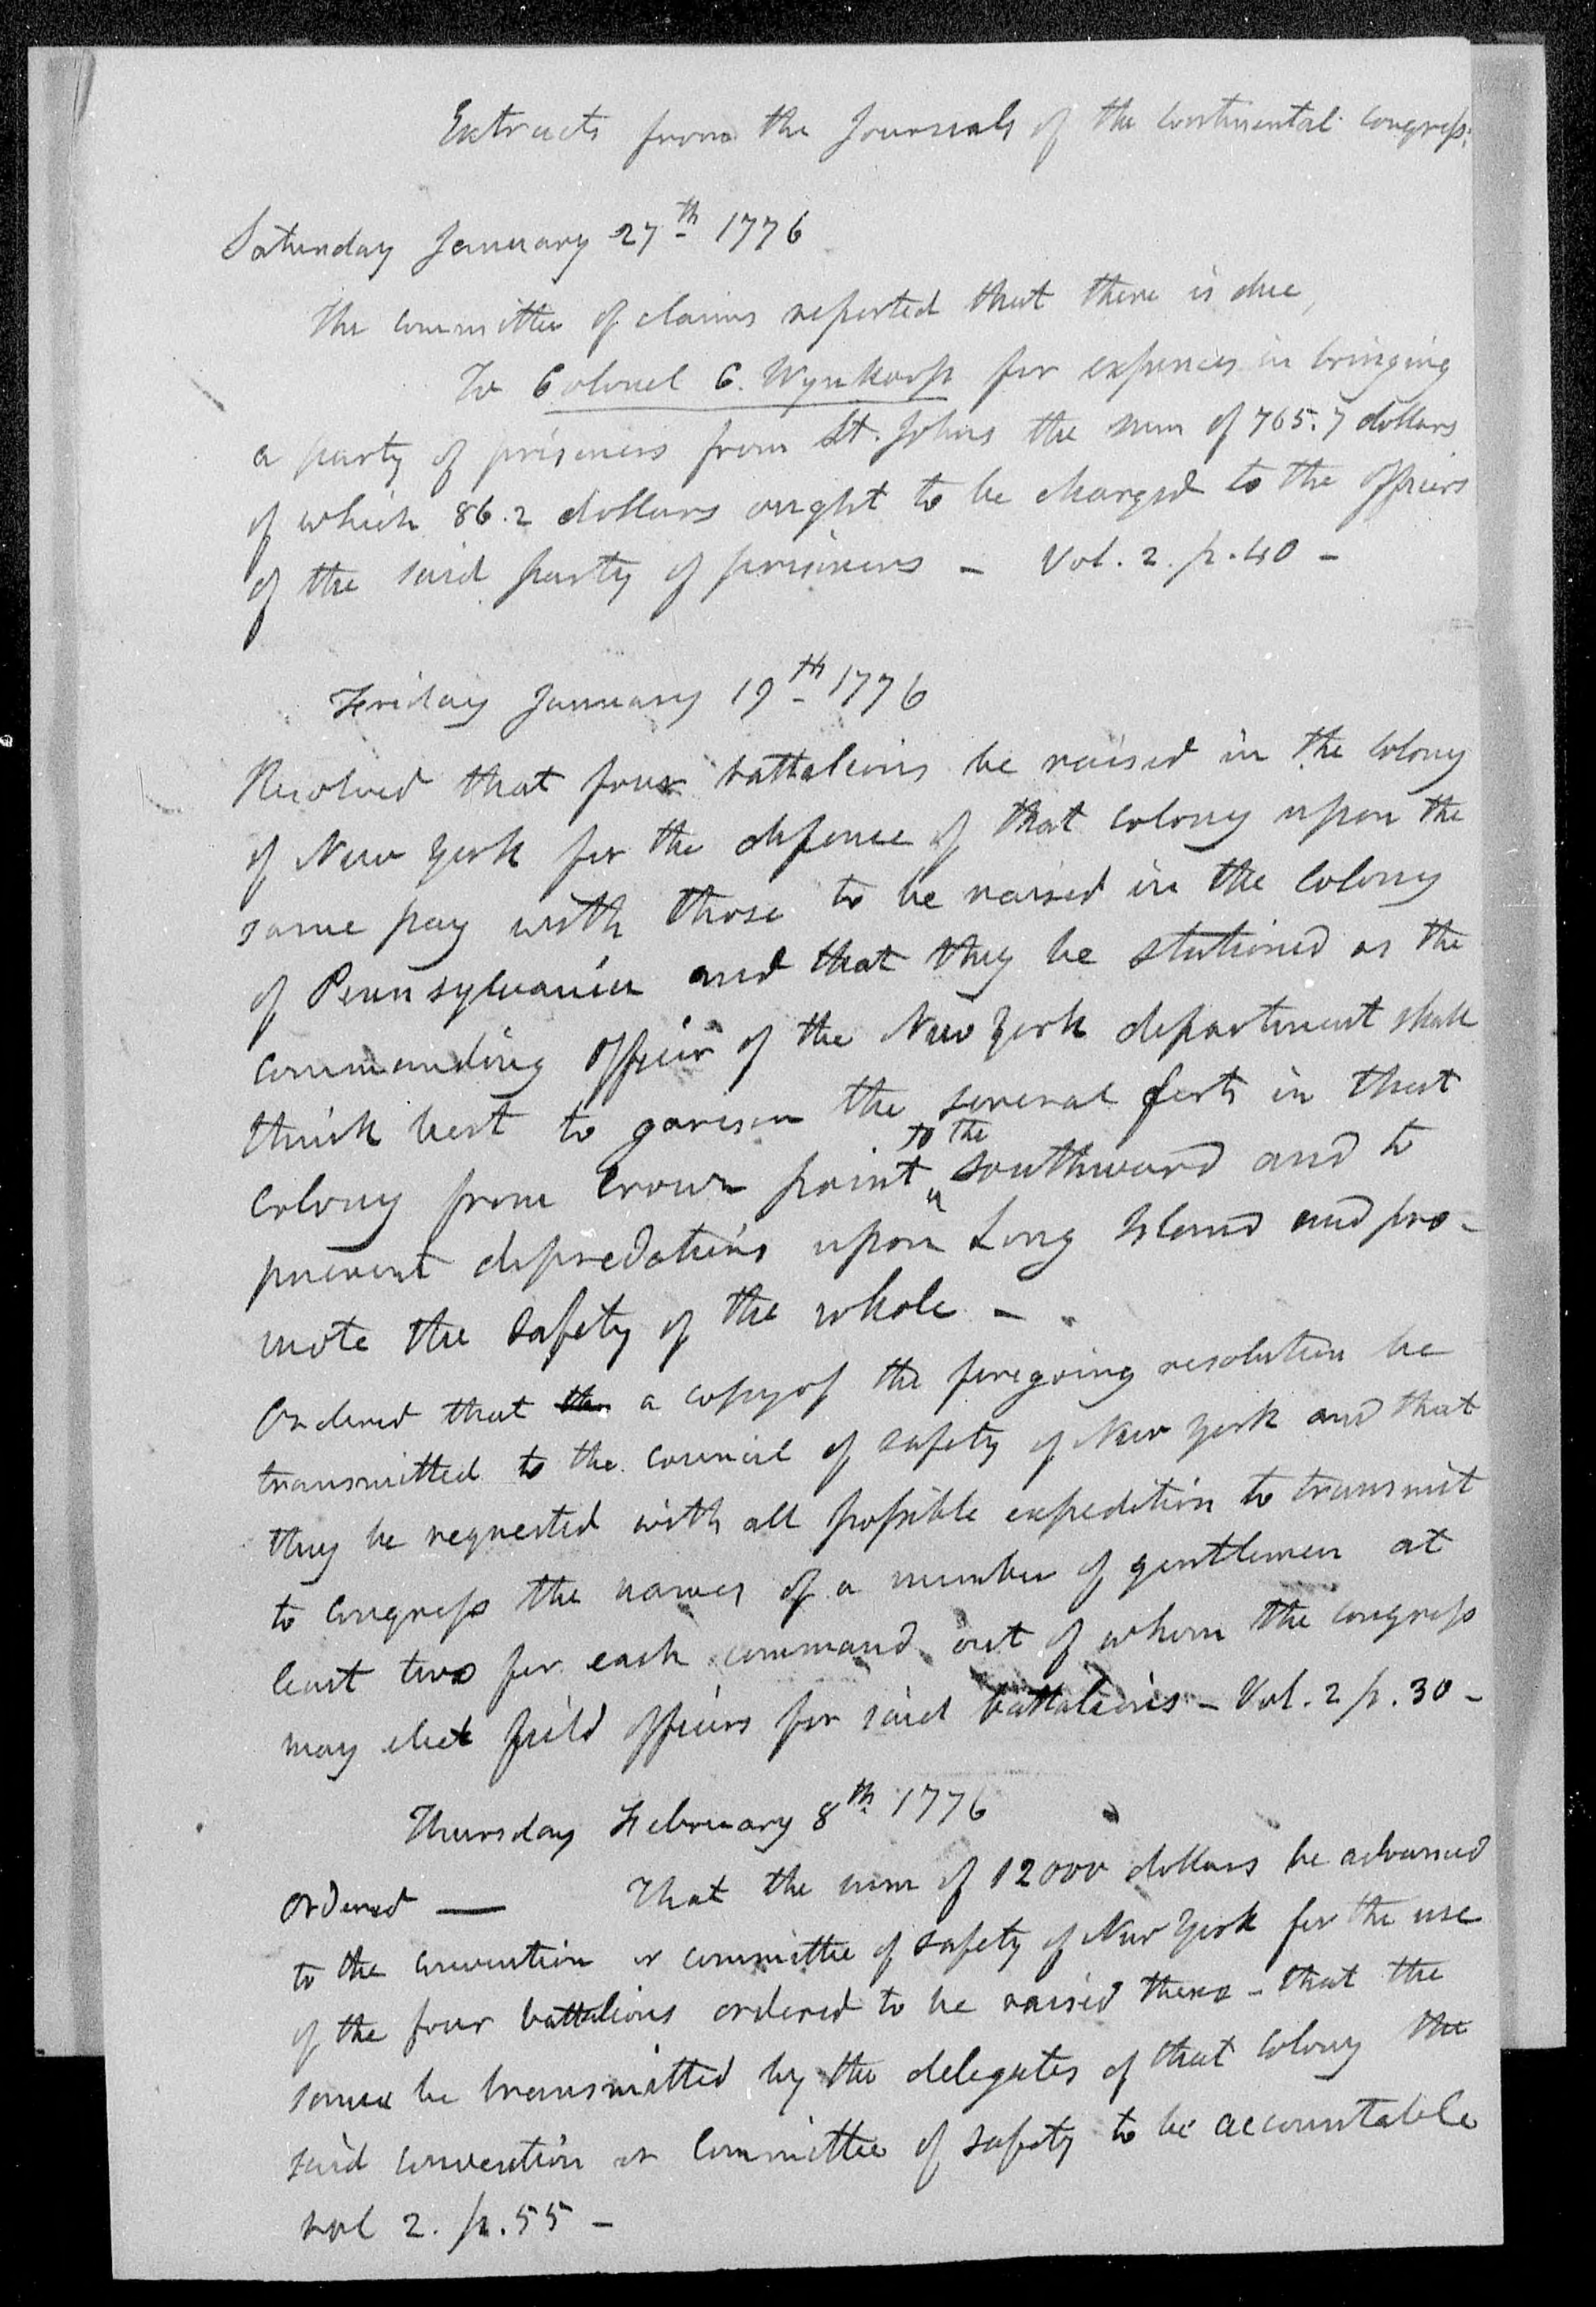Extracts from the Journals of the Continental Congress
Saturday January 27th 1776
The Committee of Claims reported that there is due 
To Colonel C. Wynkoop for expenses in bringing a party of prisoners from St. Johns the sum of 765.7 dollars of which 86.2 dollars ought to be charged to the officers of the said party of prisoners Vol 2. p 40

Friday January 19th 1776
Resolved that four battalions he raised in the Colony of New York for the defense of that colony upon the same pay with those to be raised in the Colony of Pennsylvania and that they be stationed as the corresponding officer of the New York department think but to garrison the several forth in that colony from Crown Point to the southward and to present depreciations upon Long Island and promote the safety of the whole. 
Ordered that a copy of the foregoing resolution be transmitted to the council of safety of New York and that they be requested with all possible expedition to transmit to Congress the names of a number of gentlemen at least two for each command out of whom the Congress may act field officers for said battalions. Vol 2 p 30

Thursday February 8th 1776
Ordered - That the sum of 12000 dollars be advanced to the convention of committee of safety of New York for the use of the four battalions ordered to be raised there. That the same be transmitted by the delegates of that Colony that said convention or committee of safety to be accountable.
Vol 2. p. 55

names: C Wynkoop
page: 35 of 40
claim: widow's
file: W. 21876, for Christian Osterman, New York